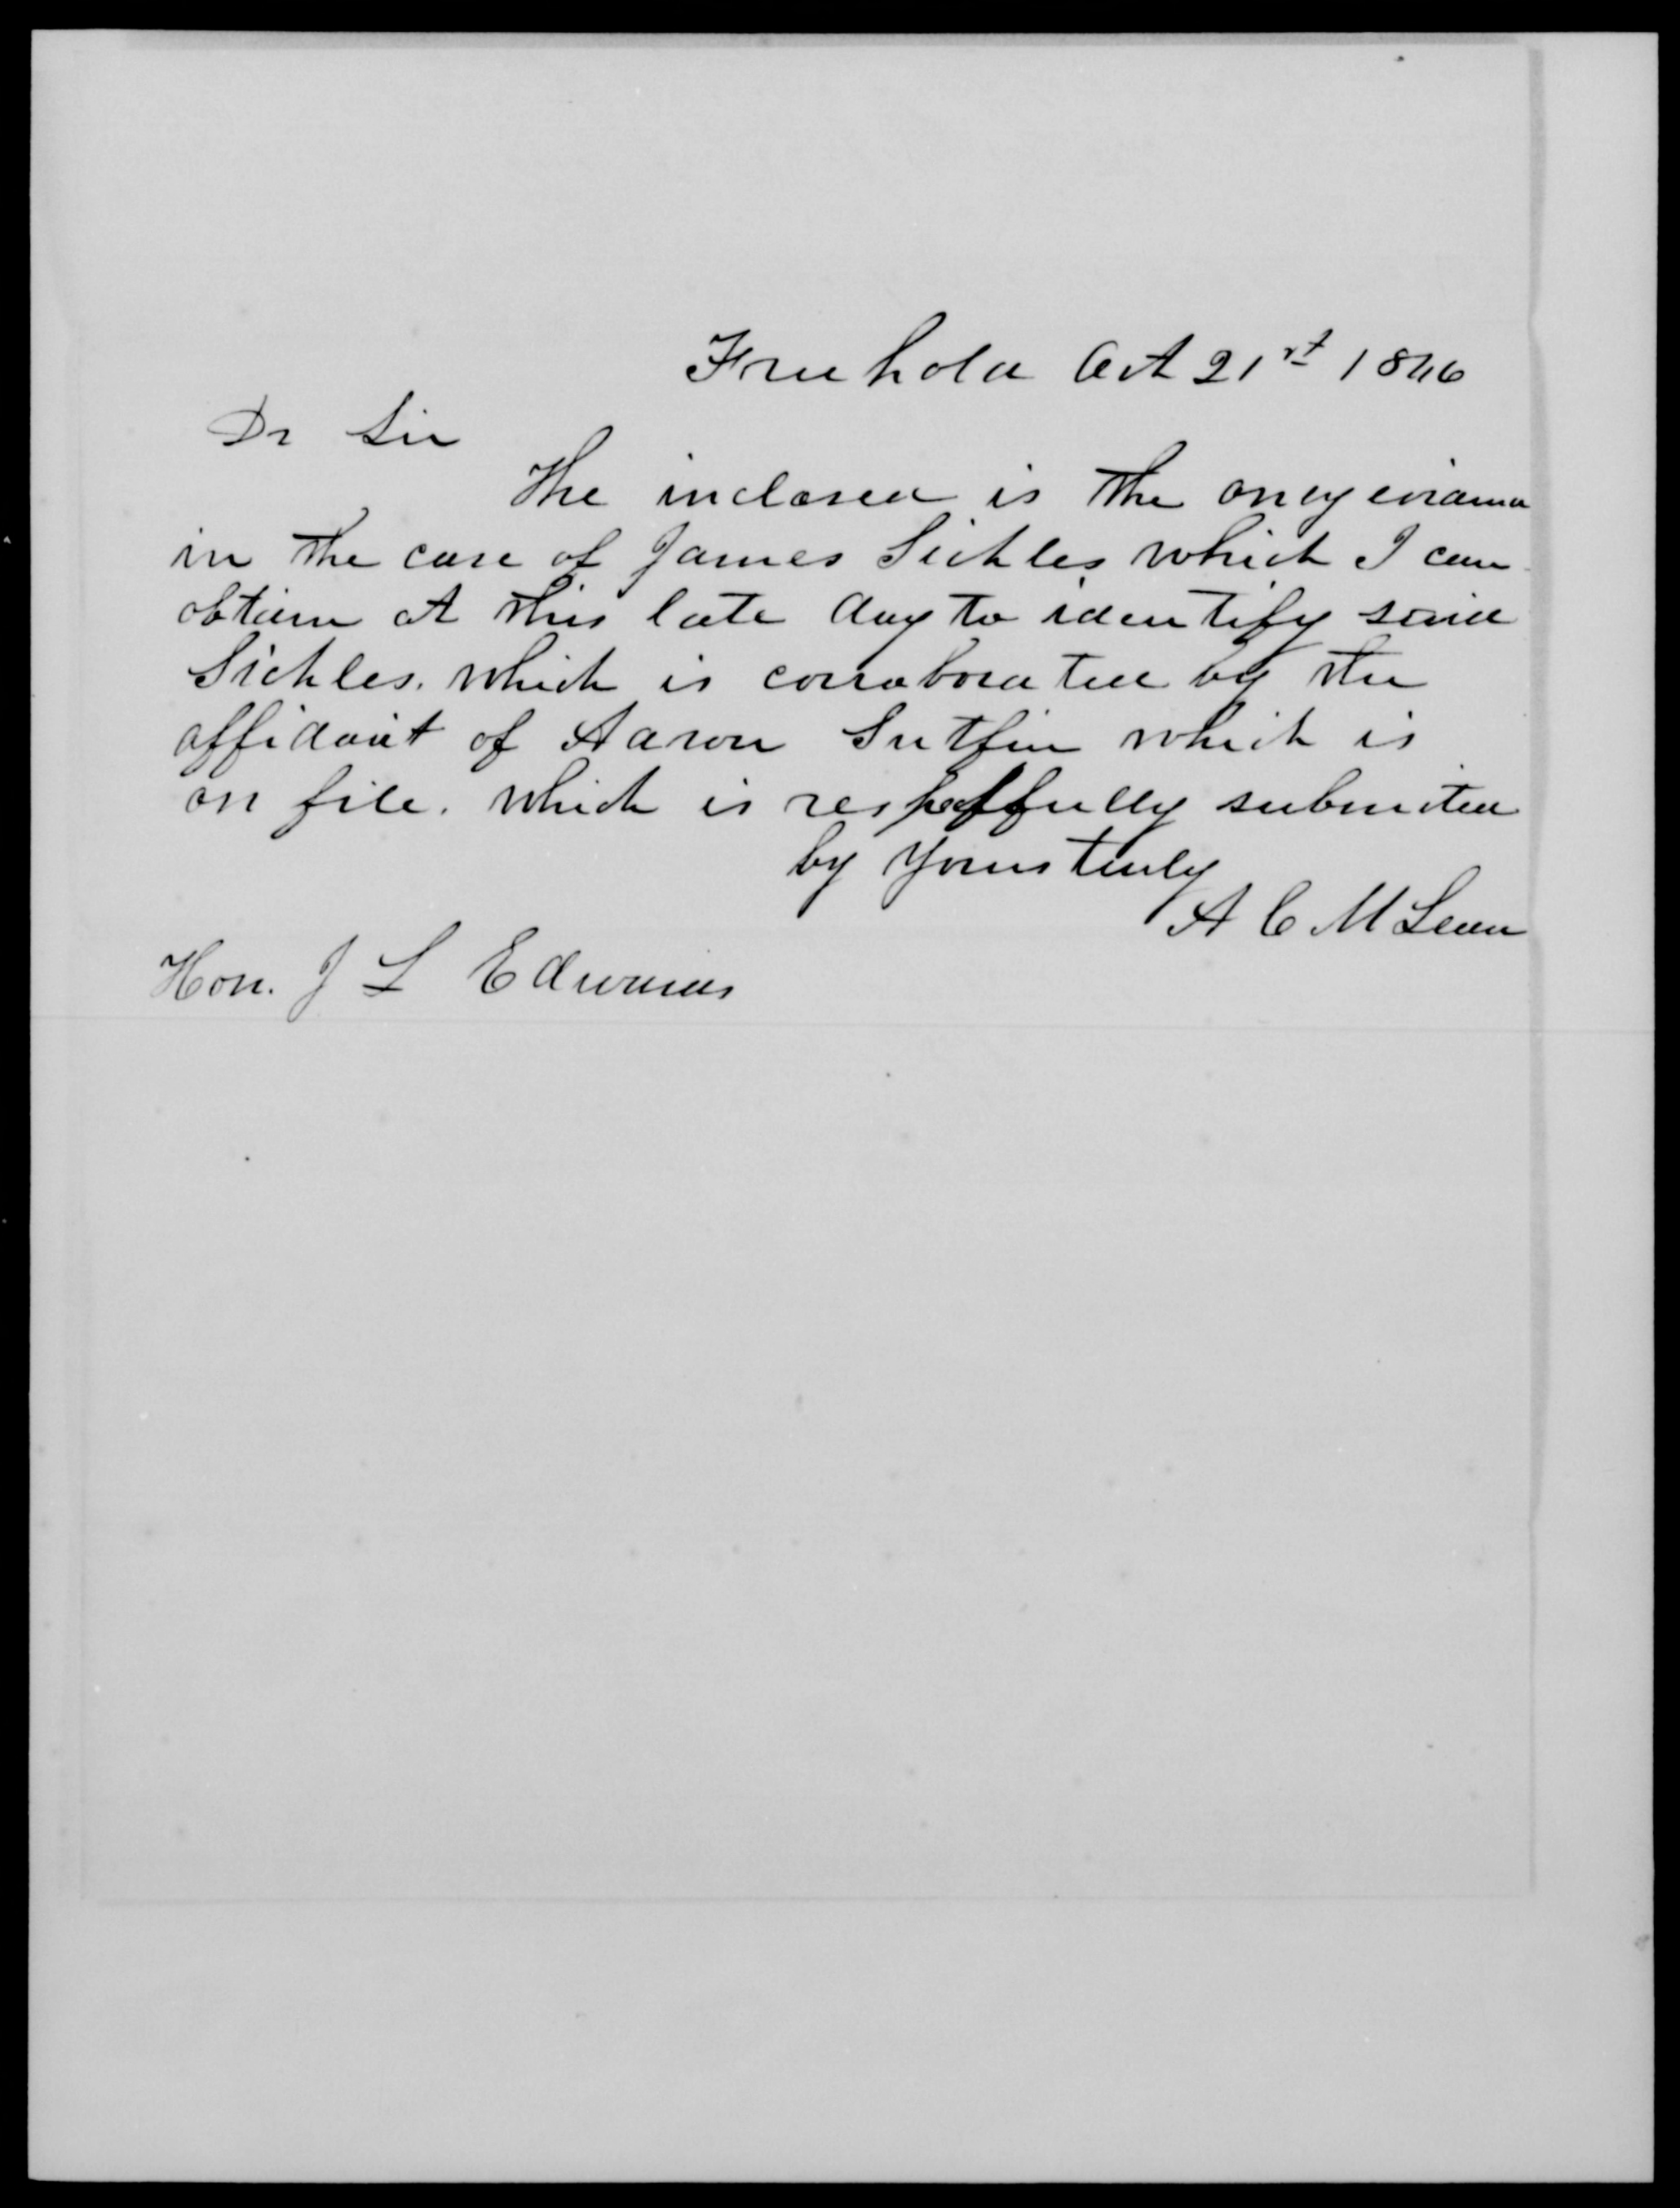Freehold Oct 21st 1846
Dr Sir
The inclosed is the only evidence in the case of James Sickles which I can obtain at this late day to identify said Sickles, which is corraborative by the affidavit of Aaron Sutfin which is on file. Which is respectfully submitted
by Yours truly
A C McLean
Hon. J. L. Edwards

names: Aaron Sutfin; James Sichles; A C Mc Lean; J L Edwards; [BLANK] Sichles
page: 16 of 33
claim: survivor's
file: S. 4,841, for James Sickles, New Jersey